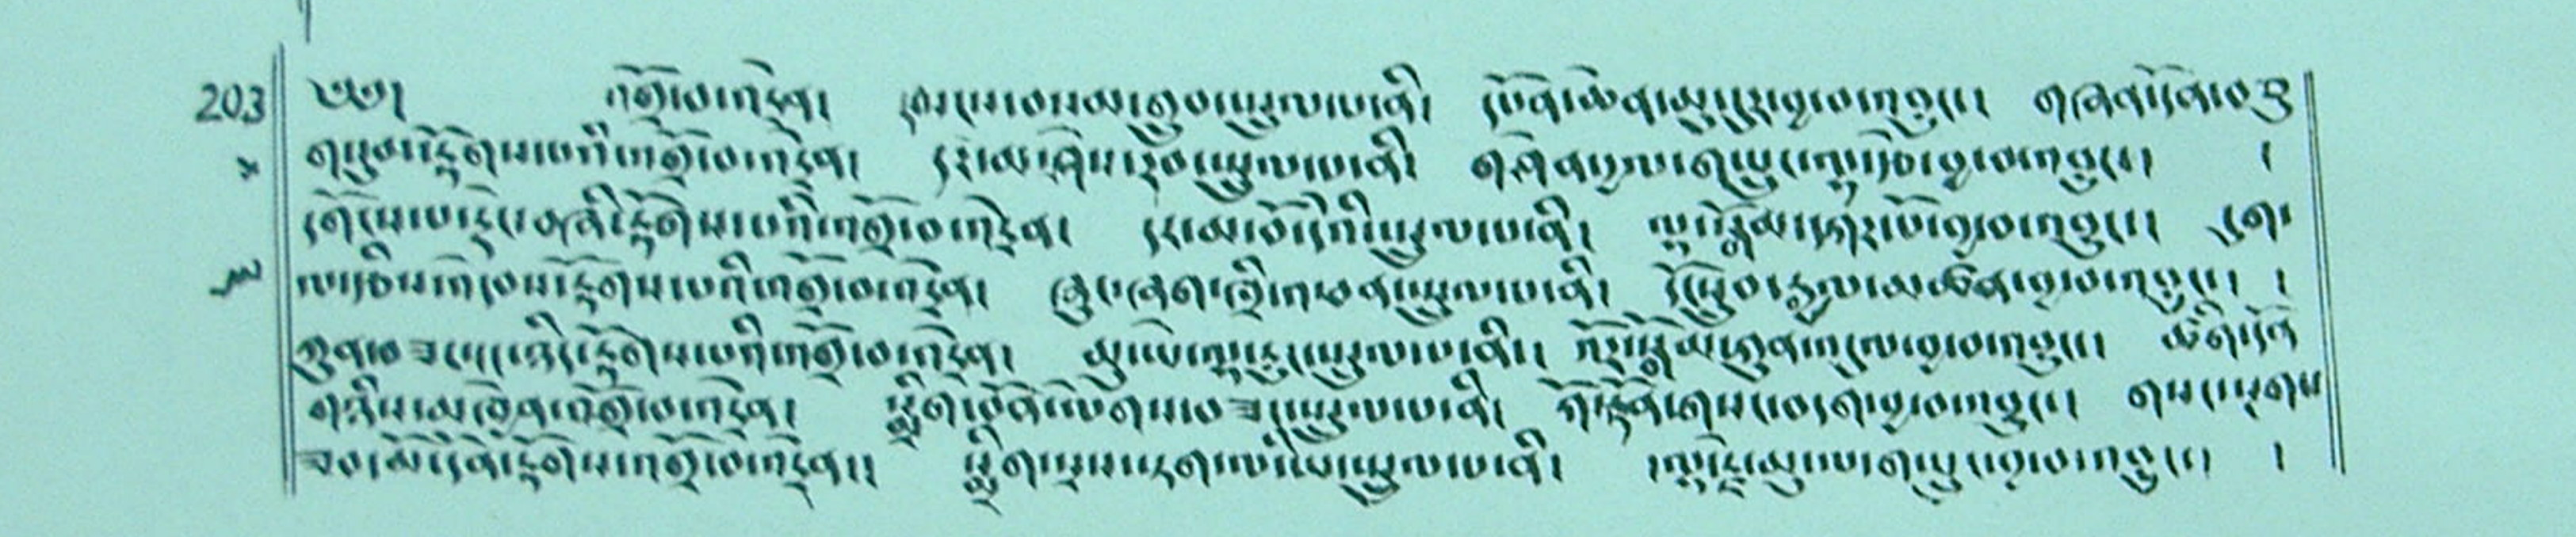༄༅། །འགྲོ་བ་འདྲེན། ར་སངས་བསམ་གྲུབ་སྤྲུལ་པ་ནི། དཔོན་ཆེན་མུ་དུར་བྱ་བ་འབྱུང་། གནད་དོན་བཅུ་
གསུམ་རྟོགས་པའི་འགྲོ་བ་འདྲེན། དར་མ་ཤེས་རབ་སྤྲུལ་པ་ནི། གཤེན་རྒྱལ་གཡུང་དྲུང་ལྷ་རྩེ་བྱ་བ་འབྱུང་། 
དགོངས་པ་རྡེངས་བཞི་རྟོགས་པའི་འགྲོ་བ་འདྲེན། དར་མ་པོ་ཏེའི་སྤྲུལ་པ་ནི། ལྷ་སྒོམ་དཀར་པོ་བྱ་བ་འབྱུང་། དུག་
ལ་རྩིས་འདེབས་རྟོགས་པའི་འགྲོ་བ་འདྲེན། ཞུང་ཞག་ཁྲི་འཕན་སྤྲུལ་པ་ནི། དངོས་གྲུབ་རྒྱལ་མཚན་བྱ་བ་འབྱུང་། 
ཀུན་བཟང་ངང་ཉིད་རྟོགས་པའི་འགྲོ་བ་འདྲེན། མུ་ཡེ་ལྷ་རྒྱུང་སྤྲུལ་པ་ནི། འོར་སྒོམ་ཀུན་འདུལ་བྱ་བ་འབྱུང་། ཚིག་དོན་
གཉིས་མཁྱེན་འགྲོ་བ་འདྲེན། སྨྲིག་བོན་ལེགས་བཟང་སྤྲུལ་པ་ནི། ཀོ་སྟོན་གསང་བདག་བྱ་བ་འབྱུང་། གསང་སྔགས་
ཟབ་མོའི་དོན་རྟོགས་འགྲོ་བ་འདྲེན། སྨྲིག་སྲས་སྟག་ལ་ཡི་སྤྲུལ་པ་ནི། ལྷ་རྗེ་མུ་ལ་གཡུང་དྲུང་བྱ་བ་འབྱུང་།